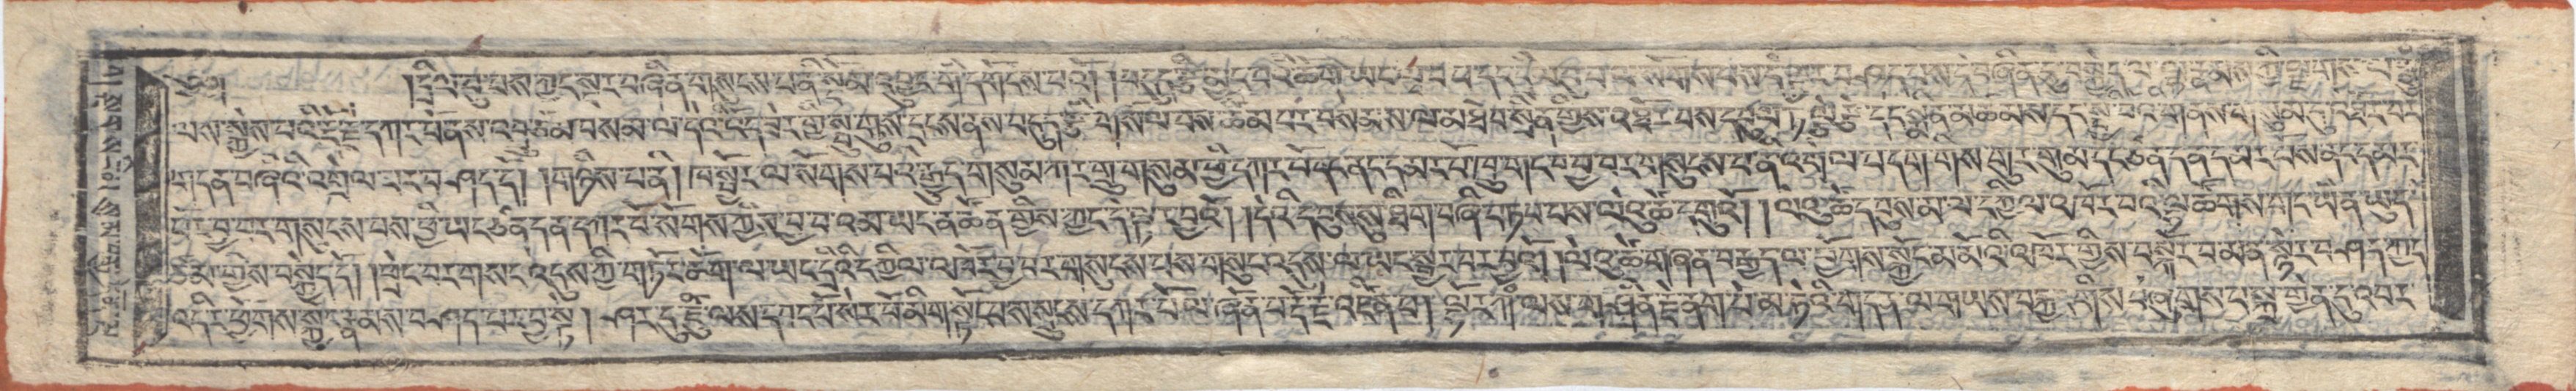༄༅། །དྲིལ་བུ་བས་ཀྱང་སྔར་བཞིན་གསུངས་པ་ནི་སྡོམ་འབྱུང་གི་དགོངས་པའོ། །བདུད་རྩི་མྱང་བའི་ཆོ་ག་ཡང་ལྭ་བ་པ་དང་དྲིལ་བུ་པ་ལ་སོགས་པས་དེ་ལྟར་བཤད་པས་དེ་བཞིན་དུ་བསྐྱེད་ལ་ལྷ་རྣམས་ཀྱི་ལྗགས་པ་ཧཱུཾ་
ལས་སྐྱེས་པའི་རྡོ་རྗེ་དཀར་པོ་ནས་འབྲུ་ཙམ་བསམ་ལ་དེའི་འོད་ཟེར་གྱི་སྦུ་གུས་དྲངས་ནས་བདུད་རྩི་གསོལ་བས་ཚིམ་པར་བསམས་ལ་མཐོབ་སྲིན་གྱིས་འཐོར་བས་དབུལ་ཏེ་ལྕེ་རྩེ་དང་སྨིན་མཚམས་དང་སྤྱི་བོའི་གནས་གསུམ་དུ་འཐོར་བར་
གདན་བཞིའི་འགྲེལ་པར་བཤད་དོ། །གཉིས་པ་ནི། ཁ་སྦྱོར་ལ་སོགས་པའི་རྒྱུད་གསུམ་ཀར་གྲུ་གསུམ་ཕྱི་དཀར་པོ་དང་ནང་དམར་པོ་ཁྲུ་གང་བ་བྱ་བར་གསུངས་པ་ནི་འགྲེལ་པ་དག་གིས་གུར་གུམ་དང་ཙན་དན་དམར་པོས་ནང་དམར་
པོར་བྱ་བར་གསུངས་པས་ཕྱི་ཡང་ཙན་དན་དཀར་པོ་སོགས་ཀྱིས་བྱ་བ་འམ་ཡང་ན་ཚོན་གྱིས་ཀྱང་དེ་ལྟར་བྱའོ། །དེའི་དབུས་སུ་ཐིག་བཞི་བཏབ་པས་ལེའུ་ཚེ་དགུའོ། །ལེའུ་ཚེ་དབུས་མ་ལ་དཀྱིལ་འཁོར་བའི་ལྷ་ཚོགས་གང་ཡིན་ཡུད་
ཙམ་གྱིས་བསྐྱེད་དོ། །ཕྲེང་བར་གསང་འདུས་ཀྱི་གཏོར་ཆོག་ལ་ཡང་དྲིའི་དཀྱིལ་འཁོར་བྱ་བར་གསུངས་པས་གསུང་འདུས་ལ་ཡང་སྦྱར་བར་བྱའོ། །ལེའུ་ཚེ་གཞན་བརྒྱད་ལ་ཕྱོགས་སྐྱོང་མ་མོའི་འཁོར་གྱིས་བསྐོར་བ་མན་སྙེར་བཤད་ཀྱང་
འདིར་ཕྱོགས་སྐྱོང་རྣམས་བཤད་པར་བྱ་སྟེ། ཤར་དུ་ཛུཾ་ལས་དབང་པོ་སེར་པོ་མིག་སྟོང་པ་ས་སྲུངས་དཀར་པོ་ལ་ཞོན་པ་རྡོ་རྗེ་འཛིན་པ། ལྷོར་ཀཾ་ལས་གཤིན་རྗེ་ནག་པོ་མ་ཧེའི་གདན་ལ་གཡས་བརྐྱང་གིས་བཞུགས་པ་སྐྲ་གྱེན་དུ་འབར་